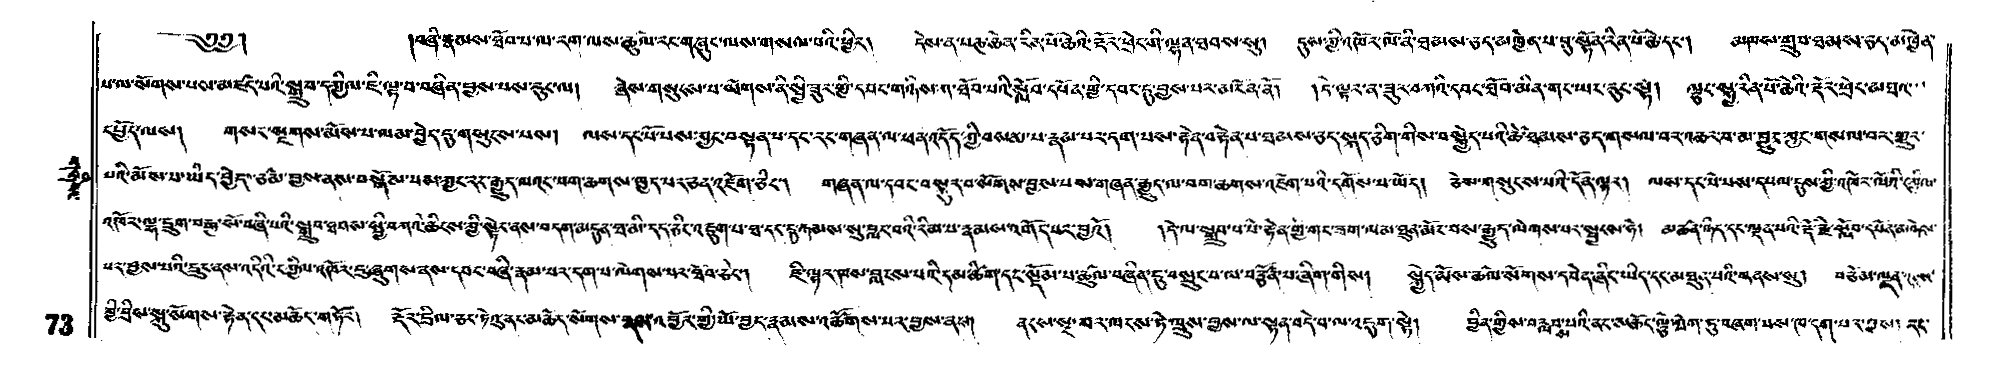༄༅། །བཞི་རྣམས་ཐོབ་པ་ལ་རག་ལས་ཚུལ་རང་གཞུང་ལས་གསལ་བའི་ཕྱིར། དེས་ན་པཎ་ཆེན་རིན་པོ་ཆེའི་རྡོར་ཕྲེང་གི་ལྷན་ཐབས་སུ། དུས་ཀྱི་འཁོར་ལོ་ནི་ཐམས་ཅད་མཁྱེན་པ་བུ་སྟོན་རིན་པོ་ཆེ་དང་། མཁས་གྲུབ་ཐམས་ཅད་མཁྱེན་
པ་ལ་སོགས་པས་མཛད་པའི་སྒྲུབ་དཀྱིལ་ཇི་ལྟ་བ་བཞིན་བྱས་པས་རུང་ལ། ཞེས་གསུངས་པ་སོགས་ནི་སྤྱི་ཟུར་གྱི་དབང་གཉིས་ཀ་ཐོབ་པའི་སློབ་དཔོན་གྱི་དབང་དུ་བྱས་པར་མངོན་ནོ། །དེ་ལྟར་ན་ཟུར་བཀའི་དབང་ཐོབ་མིན་གང་ཡང་རུང་སྟེ། ལྕང་སྐྱ་རིན་པོ་ཆེའི་རྡོར་ཕྲེང་མཐའ་
དཔྱོད་ལས། གསང་སྔགས་མོས་པ་ལམ་བྱེད་དུ་གསུངས་པས། ལས་དང་པོ་པས་ཀྱང་བསྟན་པ་དང་རང་གཞན་ལ་ཕན་འདོད་ཀྱི་བསམ་པ་རྣམ་པར་དག་པས་རྟེན་བརྟེན་པ་ཐམས་ཅད་སྐད་ཅིག་གིས་བསྐྱེད་པའི་ཚེ་ཐམས་ཅད་གསལ་བར་འཆར་བ་མ་བྱུང་ཀྱང་གསལ་བར་གྱུར་
པའི་མོས་པ་ཡིད་བྱེད་ཙམ་བྱས་ནས་བསྒོམ་པས་ཀྱང་རང་རྒྱུད་ལའང་བག་ཆགས་ཁྱད་པར་ཅན་འཇོག་ཅིང་། གཞན་ལ་དབང་བསྐུར་བ་སོགས་བྱས་པས་གཞུང་རྒྱུད་ལ་བག་ཆགས་འཇོག་པའི་དགོས་པ་ཡོད། ཅེས་གསུངས་པའི་དོན་ལྟར། ལས་དང་པོ་པས་དཔལ་དུས་ཀྱི་འཁོར་ལོའི་དཀྱིལ་
འཁོར་ལྷ་དྲུག་བརྒྱ་སོ་བཞི་པའི་སྒྲུབ་ཐབས་སྤྱི་བཀའེ་ཆིངས་ཀྱི་སྟེང་ནས་བདག་མདུན་ཐ་མི་དད་ཅིང་འཇུག་པ་ཐ་དང་ཏུ་རྐམས་སུ་བླང་བའི་རིམ་པ་རྣམས་འགོད་པར་བྱའོ། །དེ་ལ་སྒྲུབ་པ་པོ་རྟེན་གྱི་གང་ཟག་ལམ་ཐུན་མོང་བས་རྒྱུད་ལེགས་པར་སྦྱངས་ཏེ། མཚན་ཉིད་དང་ལྡན་པའི་རྡོ་རྗེ་སློབ་དཔོན་མཉེས་
པར་བྱས་པའི་དྲུང་ནས་འདིའི་དཀྱིལ་འཁོར་དུ་ཞུགས་ནས་དབང་བཞི་རྣམ་པར་དག་པ་ལེགས་པར་ཐོབ་ཅིང་། ཇི་ལྟར་ཁས་བླངས་པའི་དམ་ཚིག་དང་སྡོམ་པ་ཚུལ་བཞིན་དུ་བསྤྲུང་བ་ལ་བརྩོན་པ་ཞིག་གིས། སྐྱེད་མོས་ཚལ་སོགས་དབེན་ཞིང་ཡིད་དང་མཐུན་པའི་གནས་སུ། བཅོམ་ལྡན་འདས་
ཀྱི་བྲིས་སྐུ་སོགས་རྟེན་དང་མཆོད་གཏོར། རྡོར་དྲིལ་ཆང་ཏེའུ་ནང་མཆོད་སོགས་རྣལ་འབྱོར་གྱི་ཡོ་བྱད་རྣམས་འཚོགས་པར་བྱས་ནས། ནངས་སྔ་བར་ལངས་ཏེ་ཁྲུས་བྱས་ལ་སྟན་བདེ་ལ་འདུག་སྟེ། བྱིན་གྱིས་བརླབས་པའི་ནང་མཆོད་ལྕེ་ཐོག་ཏུ་བཞག་པས་ཁ་དག་པར་བྱས། རང་